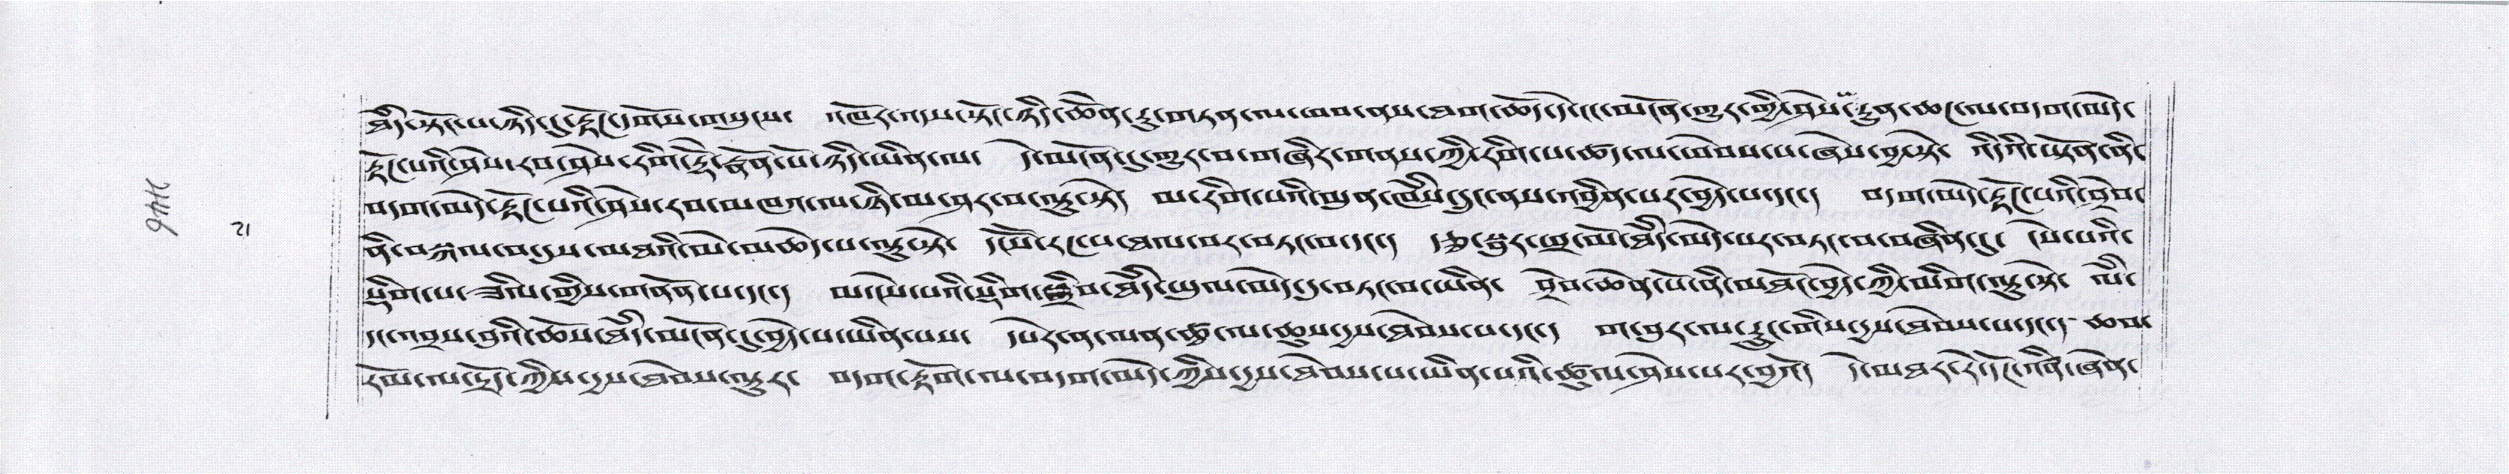ཐམས་ཅད་སྟོང་པ་ཉིད་དུ་རྟོགས་དགོས་གསུངས། འཁོར་འདས་སྟོང་ཉིད་ཆེན་པོ་རུ་གཏན་ལ་ཕབ་ནས་ཐག་ཆོད་དེ་ངང་མངོན་གྱུར་གྱི་ཤེས་པ་རྒྱུན་ཆགས་ལ་བདག་མེད་
རྟོགས་པའི་ཤེས་རབ་ཤེས་རིག་རྡོ་རྗེ་རྣོན་པོ་ཉིད་ཡིན་ལ། དེ་མངོན་དུ་གྱུར་པ་གཞིར་གནས་ཀྱི་རིག་པ་ཚད་ལ་ཕེབས་པ་ཞེས་བྱ་སྟེ། འདིའི་ཡོན་ཏན་ནི་
བདག་མེད་རྟོགས་པའི་ཤེས་རབ་མཁའ་ལ་ཉི་མ་ཤར་བ་ལྟ་བུ་སྟེ། མ་རིག་པའི་མུན་ཁམས་དྲུང་ནས་འབྱིན་པར་བྱེད་པ་དང་། བདག་མེད་རྟོགས་པའི་ཤེས་རབ་
ནི་བསྐལ་པ་དུས་མཐའི་མེ་མཆེད་པ་ལྟ་བུ་སྟེ། དངོས་པོ་རགས་པ་ཐལ་བར་བཏང་བ་དང་། རྩ་སྦུར་ཕྲ་མོ་ཐམས་ཅད་མེད་པར་བཏང་བ་བཞིན་དུ་ངེས་པའི་
སྡིག་པ་ཟིལ་གྱིས་གནོན་པ་དང་། མ་ངེས་པའི་སྡིག་སྒྲིབ་ཐམས་ཅད་ཡུལ་མེད་དུ་བཏང་བ་ཡིན། ཤེས་རབ་ཆེན་པོ་ནི་མཐོང་བྱེད་ཀྱི་མིག་ལྟ་བུ་སྟེ། ལམ་
དང་འབྲས་བུའི་ཆོས་ཐམས་ཅད་མངོན་དུ་བྱེད་པ་ཡིན་པས། དཔེར་ན་ལན་ཚྭ་ལ་ཆུས་རྒྱས་ཐེབས་པ་དང་། ག་པུར་ལ་རླུང་གིས་རྒྱས་ཐེབས་པ་དང་། ཆབ་
རོམ་ལ་དྲོད་ཀྱིས་རྒྱས་ཐེབས་པ་ལྟ་བུར། བདག་རྟོག་ལ་བདག་མེད་ཀྱི་རྒྱས་ཐེབས་པ་ཡིན་པའི་ཚུལ་ཤེས་པར་བྱའོ། དེ་མཐར་རེ་དྭོགས་འཛིན་ཞེན་